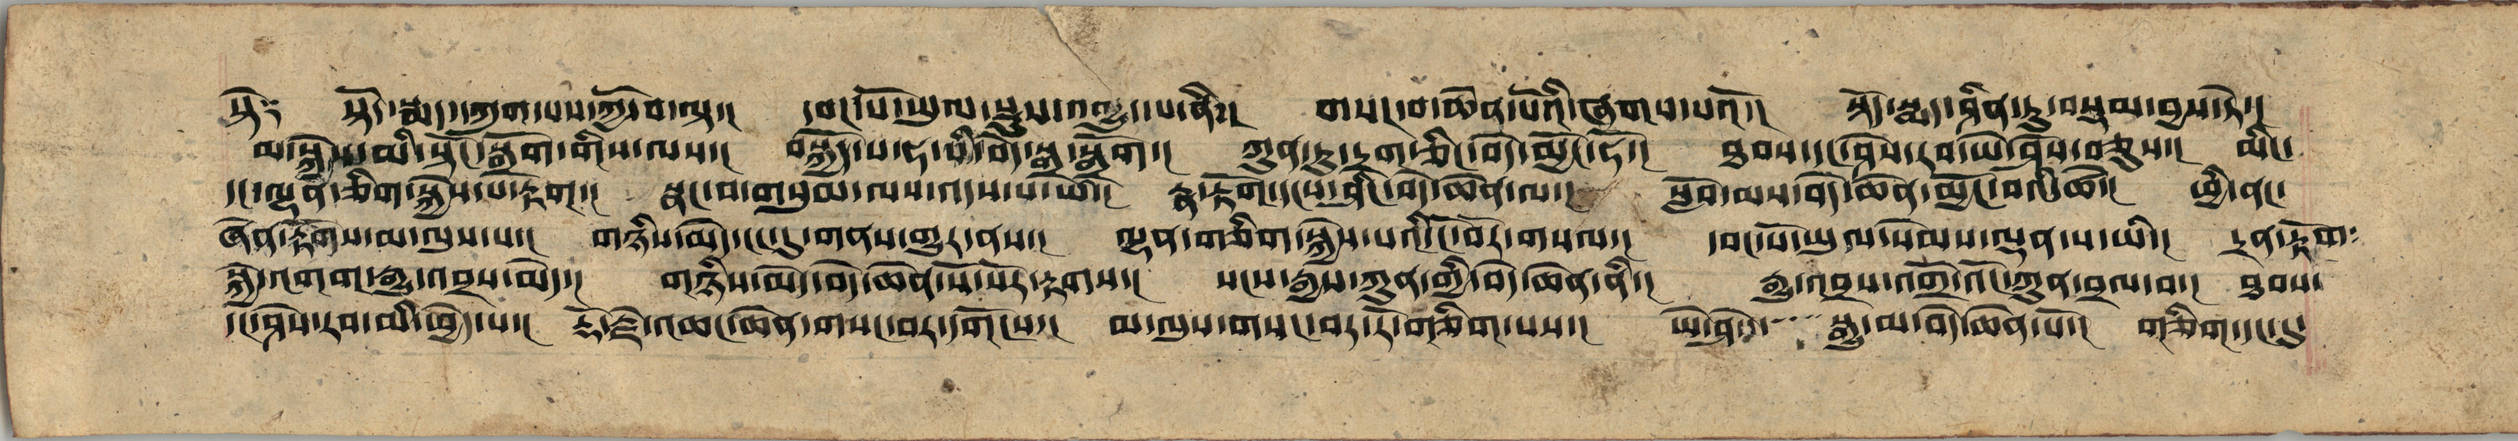སྟེ༑ སྟོད་སྨད་དཀུག་པས་ཀྱོ་བ་ལྟ་། དབང་པོ་ཡུལ་སྡུས་འཁྱུད་པ་ནི་། གསང་བ་ཆེན་པོའི་ཞགས་པའོ་། སྟོད་སྨད་ཤིན་ཏུ་བསྡམ་བྱས་ཏེ་།
མ་སྐྱེས་མི་སྟོང་སྒྲོག་གིས་ལས་། བསྐྱོད་པ་ཧ་པི་བདེ་སྒྲ་སྒྲོག་། ཀུན་ཏུ་དྲག་ཅིང་བདེ་མྱོང་ཧོ་། ཐབས་དང་ཤེས་རབ་ཡེ་ཤེས་བཅུས་། མིང་
དང་ལྷན་ཅིག་སྐྱེས་པ་རྟོག་། སྣང་བ་གསུམ་ལས་འདས་པ་ཡེ་། རྣ་རྟོག་དངས་ཤིང་བདེ་ཆེན་ལ་། སློབ་མས་བདེ་ཆེན་མྱོང་བའི་ཚེ་། ཕྱི་ནང་
ཞེན་རྟོགས་མ་ལུས་པ་། གཉིས་མེད་ངང་དུ་གནས་གྱུར་ནས་། ལྷན་གཅིག་སྐྱེས་པའི་ངོ་བོར་གསལ་། དབང་པོ་ཡུལ་སེམས་ལྡན་པ་ཡི་། དྲན་རྟོག་
སྐྱེ་འགག་རྒྱུ་འབྲས་མེད་། གཉིས་མེད་བདེ་ཆེན་སོ་སོར་རྟགས་། སངས་རྒྱས་ཀུན་གྱི་བདེ་ཆེན་ནི་། རྒྱུ་འབྲས་འགྲོ་འོང་ཀུན་བྲལ་བ་། ཐབས་
དང་ཤེས་རབ་མི་ཕྱེད་པ་། རྡོ་རྗེ་འཆང་ཆེན་གསང་བར་དགོངས་། མ་ལུས་གསང་བར་རོ་གཅིག་པས་། ཡེ་ཤེས་་་སྒྱུ་མ་བདེ་ཆེན་པོ་། གཅིག་དང་དུ་